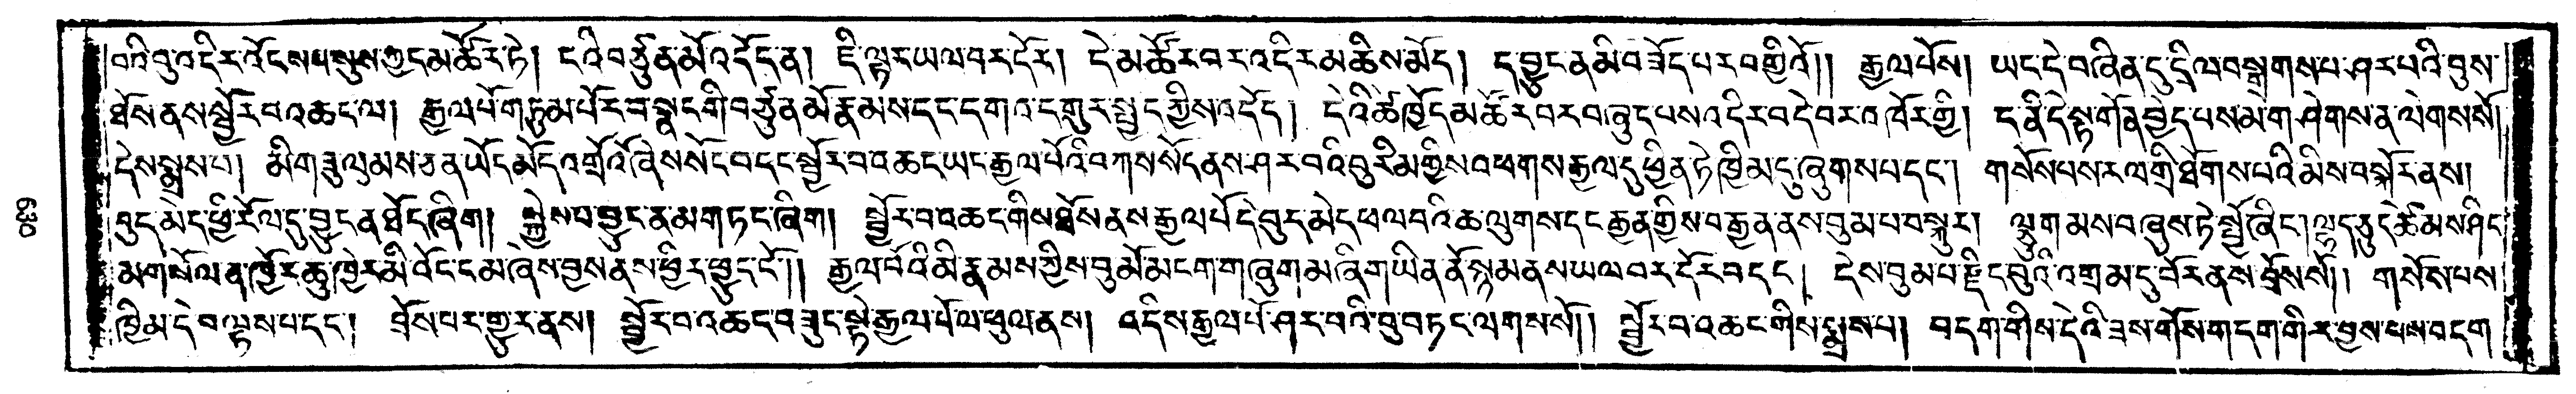བའི་བུ་འདིར་འོངས་པ་སུས་ཀྱང་མཚོར་ཏེ། དའི་བཙུན་མོ་འདོད་ན། ཇི་ལྟར་ཡལ་བར་དོར། དེ་མཚོར་བར་འདིར་མཆིས་མོད། ད་བྱུང་ན་མི་བཟོད་པར་བགྱིའོ།། རྒྱལ་པོས། ཡང་དེ་བཞིན་དུ་དྲིལ་བསྒྲགས་པ་ཤར་པའི་བུས་
ཐོས་ནས་སྦྱོར་བ་འཆང་ལ། རྒྱལ་པོ་གཏུམ་པོར་བ་སྣང་གི་བཙུན་མོ་རྣམས་དང་དགའ་དགུར་སྤྱད་ཀྱིས་འདོད། དེའི་ཚེ་ཁྱོད་མཚོར་བར་བཞུད་པས་འདིར་བདེ་བར་འཁོར་གྱི། ད་ནི་དེ་སྟ་གོན་བྱེད་པས་མ་གཤེགས་ན་ལེགས་སོ།
དེས་སྨྲས་པ། མི་གཟུ་ལུམས་ཅན་ཡོད་མོད་འགྲོའོ་ཞེས་སོང་བ་དང་སྦྱོར་བ་འཆང་ཡང་རྒྱལ་པོའི་བཀས་སོང་ནས་ཤར་བའི་བུ་རིམ་གྱིས་འཕགས་རྒྱལ་དུ་ཕྱིན་ཏེ་ཁྱིམ་དུ་ཞུགས་པ་དང་། གསོས་པས་རལ་གྲི་ཐོགས་པའི་མིས་བསྐོར་ནས།
བུད་མེད་ཕྱི་རོལ་དུ་བྱུང་ན་ཐོད་ཞིག། སྐྱེས་པ་བྱུང་ན་མ་གཏང་ཞིག། སྦྱོར་བ་འཆང་གིས་ཐོས་ནས་རྒྱལ་པོ་དེ་བུད་མེད་ཕལ་བའི་ཆ་ལུགས་དང་རྒྱན་གྱིས་བརྒྱན་ནས་བུམ་པ་བསྐུར། ལྕུག་མས་བཞུས་ཏེ་སྤྱོ་ཞིང་། ལྷད་ཅུང་ཚེམས་ཤིང་
མ་གསོལ་ན་ཁྱོར་ཆུ་ཁྱེར་མི་འོང་ངམ་ཞེས་བྱས་ནས་ཕྱིར་ཕྱུང་ངོ། །རྒྱལ་པོའི་མི་རྣམས་ཀྱིས་བུ་མོ་མངག་གཞུག་མ་ཞིག་ཡིན་ནོ་སྙམ་ནས་ཡལ་བར་དོར་བ་དང་། དེས་བུམ་པ་རྫིང་བུའི་འགྲམ་དུ་བོར་ནས་བྲོས་སོ།། གསོས་པས་
ཁྱིམ་དེ་བལྟས་པ་དང་། བྲོས་པར་གྱུར་ནས། སྦྱོར་བ་འཆང་བཟུང་སྟེ་རྒྱལ་པོ་ལ་ཕུལ་ནས། འདིས་རྒྱལ་པོ་ཤར་བའི་བུ་བཏང་ལགས་སོ།། སྦྱོར་བ་འཆང་གིས་སྨྲས་པ། བདག་གིས་དེའི་ཟས་གོས་གདག་གིར་བྱས་པས་བདག་